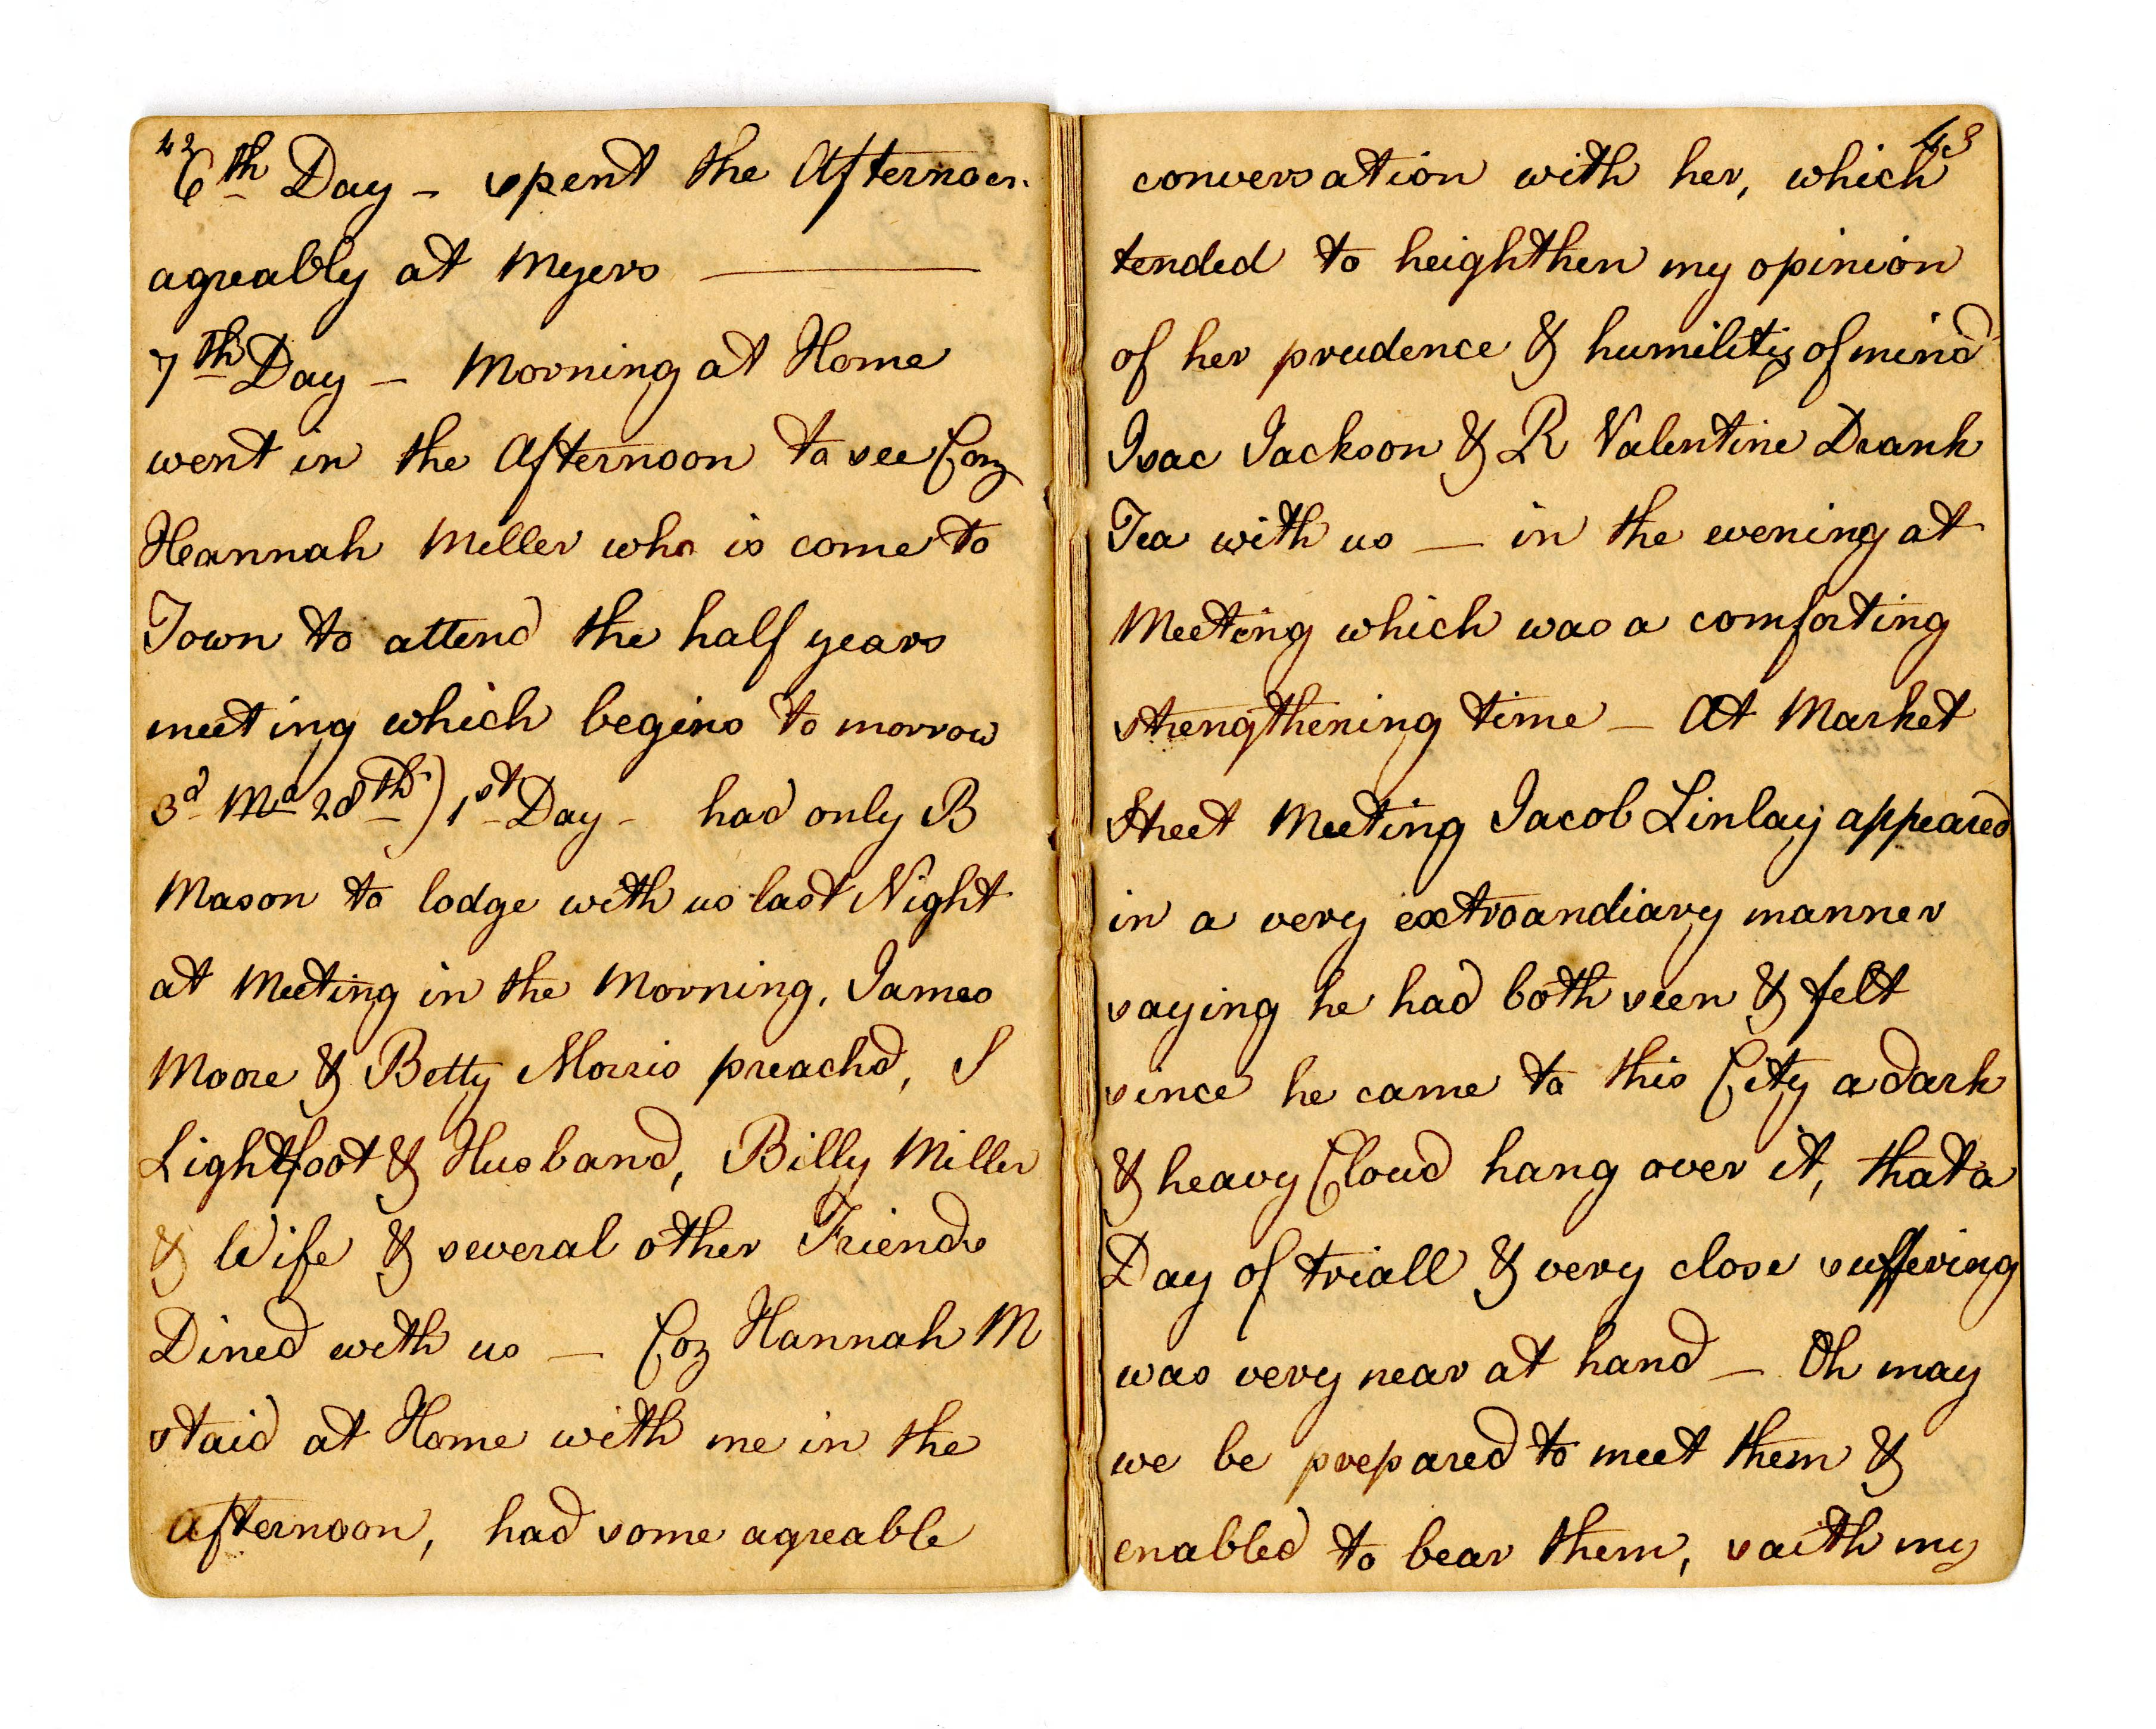42
6^th Day- spent the Afternoon
agreably at Myers-
7^th Day- Morning at Home
went in the Afternoon to see Coz
Hannah Miller who is come to
Town to attend the half years
meeting which begins to morrow
3^d M^o 28^th) 1^st Day- had only B
Mason to lodge with us last Night
at Meeting in the Morning, James
Moore & Betty Morris preachd, S
Lightfoot & Husband, Billy Miller
& Wife & several other Friends
Dined with us- Coz Hannah M.
staid at Home with me in the
Afternoon, had some agreable
43
conversation with her, which
tended to heighthen my opinion
of her prudence & humility of mind
Isac Jackson & R Valentine Drank
Tea with us- in the evening at
Meeting which was a comforting
strengthening time- At Market
Street Meeting Jacob Linlay appeared
in a very extroandiary manner
saying he had both seen & felt
since he came to this City a dark
& heavy Cloud hang over it, that a
Day of triall & very close suffering
was very near at hand- Oh may
we be prepared to meet them &
enabled to bear them, saith my